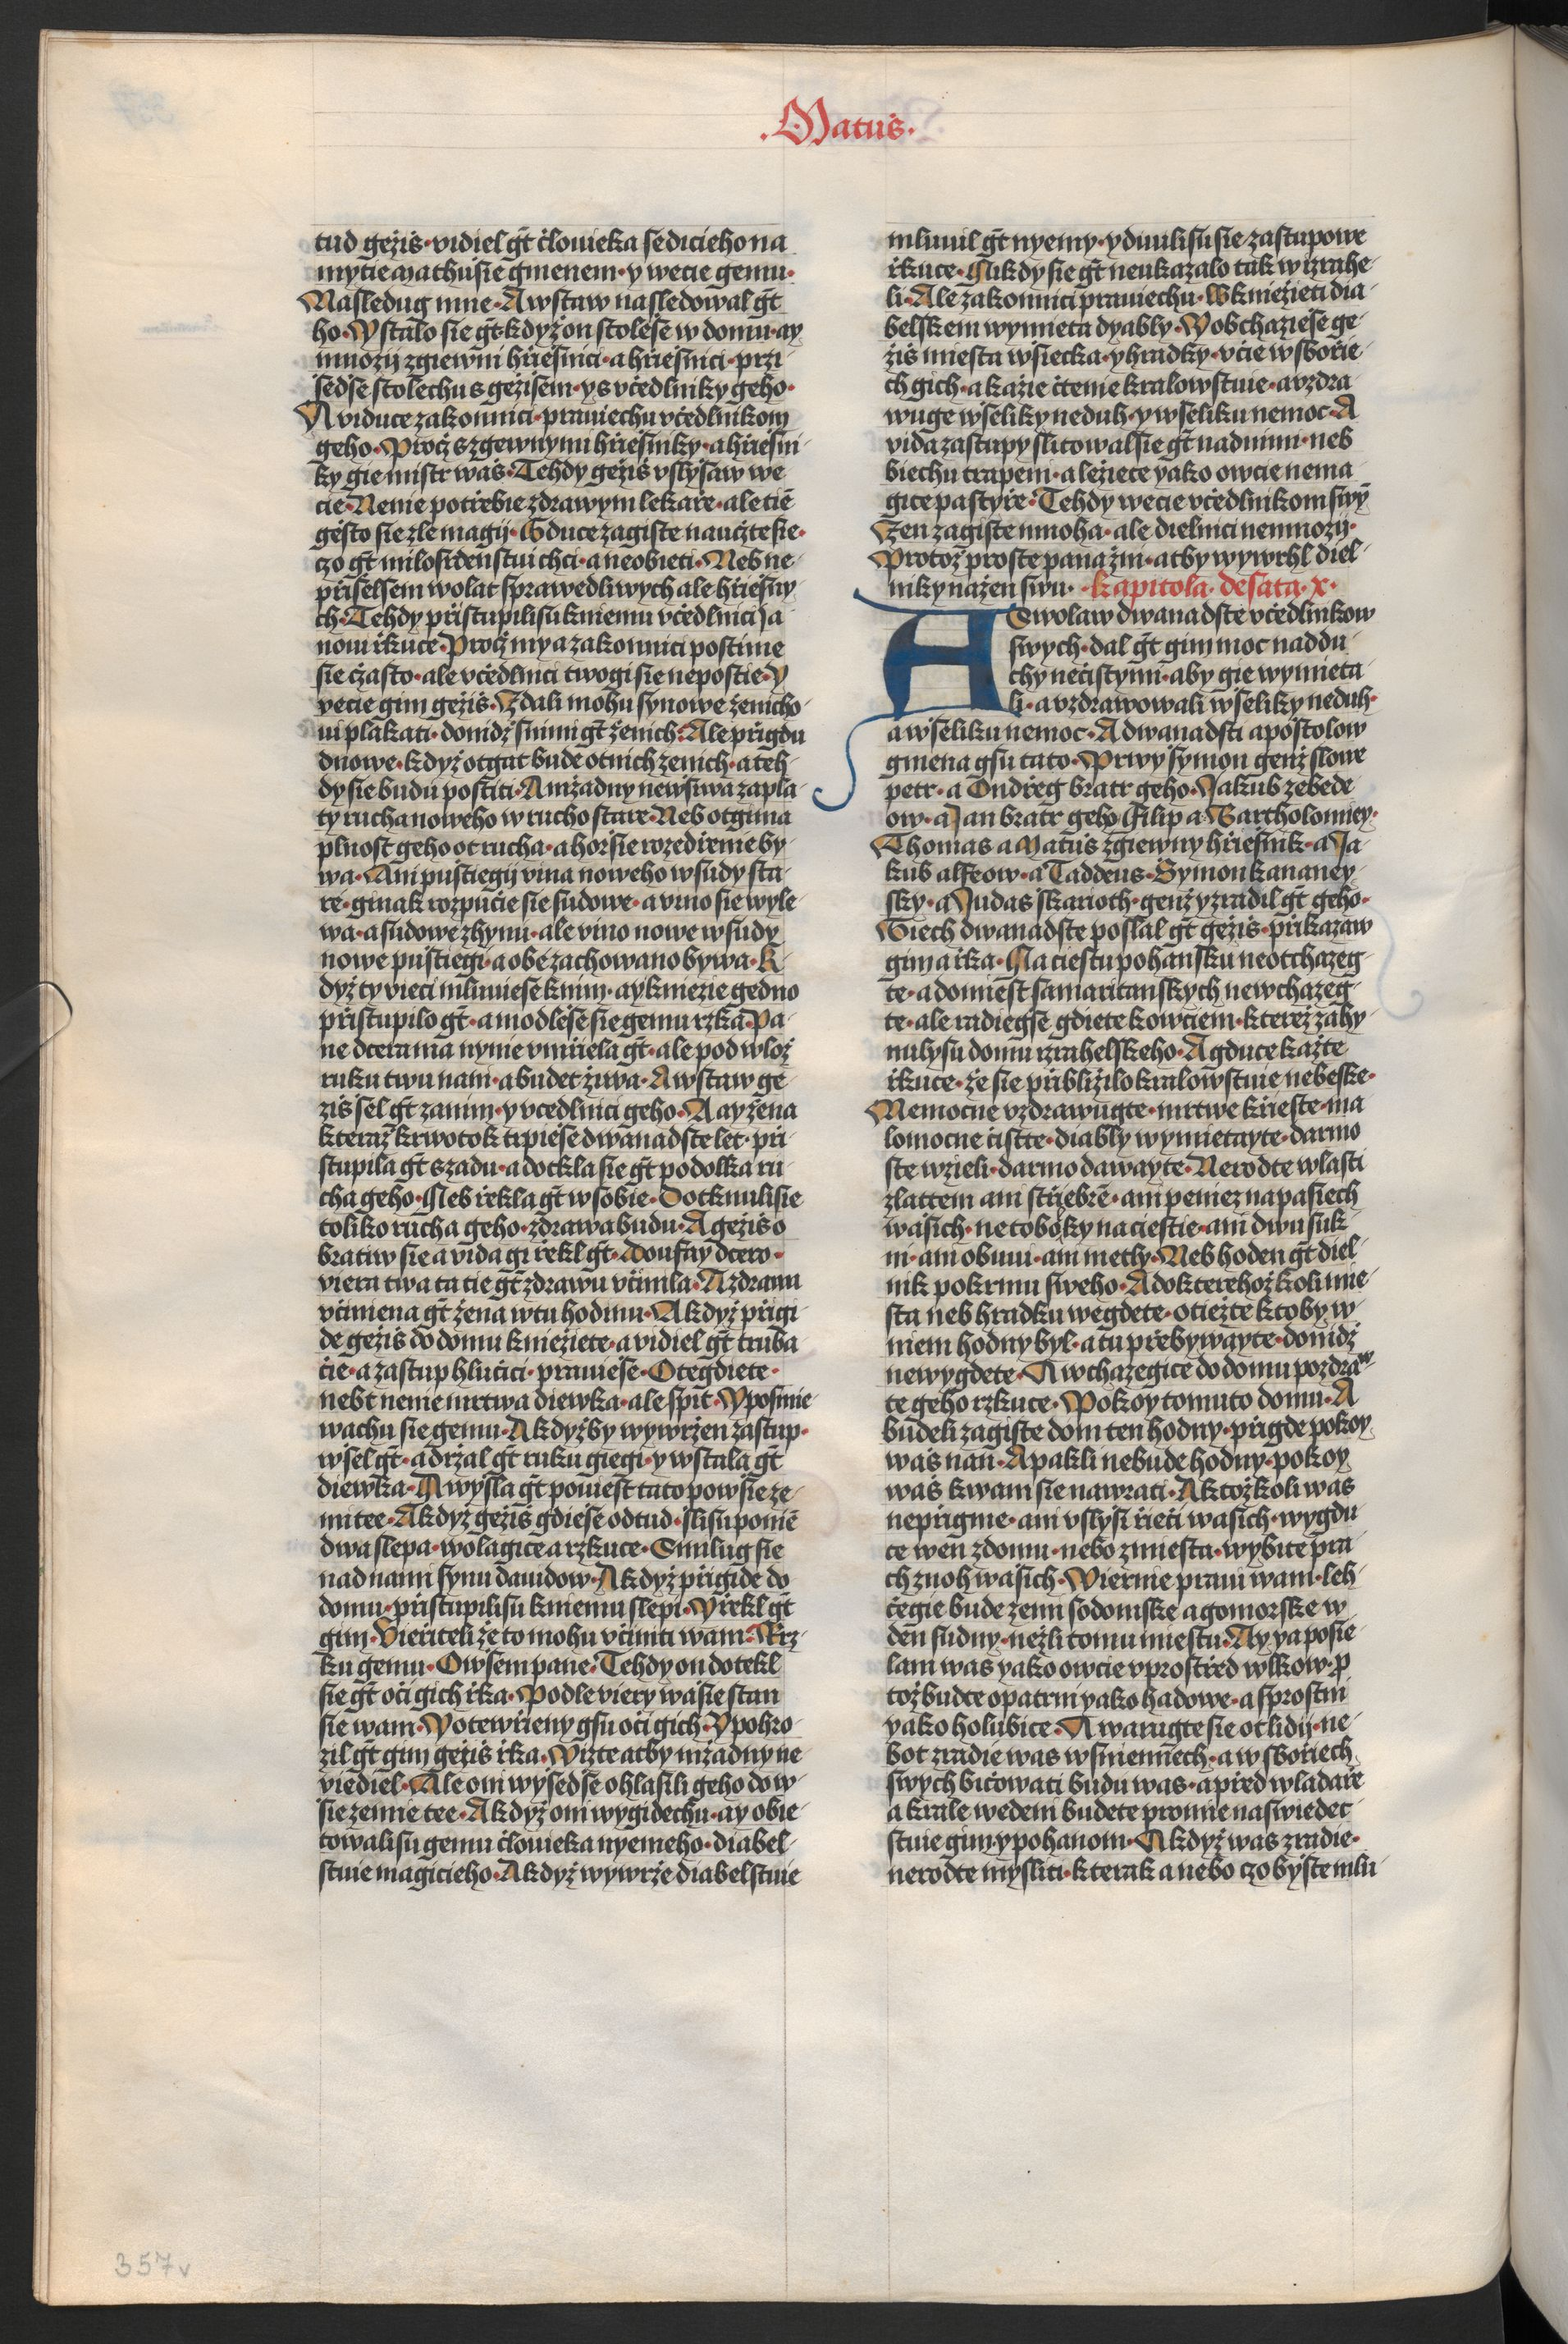.Matuṡ.
tud geżiṡ. vidiel ḡt ċlouieka ſedicíeho na
mytie mathuẛie gmenem.y wecie gemu.
Naſledug mne.A wſtaw naſledowal ḡt
ho.Y ſtalo ſie ḡt. kdyż on ſtoleẛe w domu.ay
mnozij zgiewni hṙieẛníci.ahṙieẛníci.przi¬
ẛedẛe ſtolechu s geżiẛem.y s vċedlníky geho.
A viduce zakonníci.prauiechu vċedlnikom
geho.Procż s zgewnymi hṙieẛníky.a hṙieẛní¬
ky gíe míſtr waṡ.Tehdy geżiṡ vſlyẛaw we¬
cie.Neníe potṙebie zdrawym lekaṙe.ale tiē
geẛto ſie zle magij.Gduce zagiſte naucżte ſie.
czo ḡt miloſrdenſtui chci.a neobieti.Neb ne¬
pṙiẛ̄el ſem wolat ſprawedliwych ale hṙieẛny¬
ch.Tehdy pṙiſtupili ſu kniemu včedlníci Ia¬
noui ṙkuce.Procż my a zakonnici poſtíme
ſie cżaſto.ale vċedlnici twogi ſie nepoſtie.Y
vecie gim geżíṡ.Zdali mohu ſynowe żenicho¬
ui plakati.donidż ſnimi ḡt żeních.Ale pṙigdu
dnowe.kdyż otgat bude otních zeních.a teh¬
dy ſie budú poſtiti.A niżadny newẛiwa zapla¬
ty rucha noweho w rucho ſtare.Neb otgima
plnoſt geho ot rucha.ahorẛie rozedṙeníe by¬
wa.ginak puẛtiegij vina noweho vſudy ſta¬
ré.ginak rozpuċie ſie ſudowe.a vino ſie wyle¬
wa.a ſudowe zhynú.ale víno nowe wſúdy
nowe puẛtiegí.a obé zachowano bywa.K¬
dyż ty vieci mluuíeſe kním.aykníezie gedno
pṙiſtupilo ḡt.a modleẛe ſie gemu rzka.Pa¬
ne dcera ma nyníe vmṙiela ḡt.ale pod wloż¬
ruku twu nani.a budet żiwa.A wſtaw ge¬
żiṡ ẛel ḡt za ním.y vcedlnici geho.A ay żena
kteraż krwotok trpieẛe dwanadſte let.pṙi¬
ſtupila ḡt szadu.a dotkla ſie ḡt podolka ru¬
cha geho.Neb ṙekla ḡt wſobie.Dotknuli ſie
toliko rucha geho.zdrawa budu.A geżíṡ o¬
bratiw ſie a vida g řekl ḡt.Doufay dcero.
viera twa tie ḡt zdrawu uċinila.A zdrawa
vċiniena ḡt żena wtu hodinu.A kdyż pṙigi¬
de geżiš do domu kníeżiete.a vidiel ḡt truba¬
ċie.a zaſtup hluċicí.prauieẛe.Otegdiete.
nebt neníe mrtwa diewka.ale ſpit.Ypoſmíe¬
wachu ſie gemu.Akdyżby wywrżen zaſtup.
wẛel ḡt.a drżal ḡt ruku giegi.y wſtala ḡt
diewka.A wyẛla ḡt pouieſt tato powẛie ze¬
mi tee.Akdyż geżiṡ gdieẛe odtud.ẛli ſu poníē
dwa ſlepa.wolagice a rzkuce.Smilug ſie
nad nami ſynu dauidow.A kdyż pṙígide do
domu.pṙiſtupili ſu kniemu ſlepi.Yṙekl ḡt
gim.Vieṙiteli że to mohu vċiniti wam?Rrz¬
ku gemu.Owẛem pane.Tehdy on dotekl
ſie ḡt oċí gich ṙka.Podle víery waẛe ſtan¬
ſie wam.Yotewṙieny gſu oċi gích.Ypohro¬
zil ḡt gim geżiṡ ṙka.Vizte atby niżadny ne¬
viediel.Ale oni wyẛedẛe ohlaſili geho do w¬
ẛie zemie tee.Akdyż oni vygidechu.ay obie¬
towaliſu gemu ċlouieka nyemeho.diabel¬
ſtuie magícíeho.Akdyż wywrże díabeſtuíe
mluuil ḡt nyemy.ydiuili ſu ſie zaſtupowe
ṙkuce.Nikdy ſie ḡt neukazalo tak w izrahe¬
li.Ale zakonníci prauíechu.K kníeżieti dia¬
belſkem wymieta dyably.Yobchazieẛe ge¬
żiṡ mieſta wẛiecka.yhradky.vċie wſboṙíe¬
ch gich.a każie ċteníe kralowſtuie.avzdra¬
wuge wẛeliky neduh.y wẛeliku nemoc.A¬
vida zaſtupy ſlitowal ſie ḡt nad ními.neb
bíechu trapeni.a leżiece yako owcie nema¬
gice paſtyṙe.Tehdy wecie vċedlníkom ſwȳ
Ten zagiſte mnoha.ale dielnici nemnozij.
Protoż proſte pana żní.atby wywrhl díel¬
niky nażen ſwu..kapitola.deſata.x.
Swolaw dwanadſte vċedlnikow
ſwych.dal ḡt gim noc naddu¬
chy neċiſtymi.aby gie wymieta¬
li.a vzdrawowali wẛeliky neduh.
a wẛeliku nemoc.A dwanadſti apoẛtolow
gmena gſu tato.Prwy ẛymon genż ſlowe
petr.a Ondṙeg bratr geho.Jakub zebede¬
ow.aJan bratr Filip a Bartholomiey.
Thomas a Matuṡ zgiewny hṙieẛnik.aJa¬
kub alfeow.a Taddeus.Ṡymon kananey¬
ſky.aJudas ẛkarioth.genž yzradil ḡt geho.
Tiech dwanadſte poſlal ḡt geżiṡ.pṙikazaw
gim a ṙka.Na cieſtu pohanſku neotchazeg¬
te.a domieſt ſamaritanſkych newchazeg¬
te.ale radiegẛe gdiete kowciem.ktereż zahy¬
nulyſu domu izrahelſkeho.A gduce każte
ṙkuce.że ſie pribliżilo kralowſtuíe nebeſke.
Nemocne vzdrawugte.mrtwe kṙieſte.ma¬
lomocne ċiſtie.díably wymietayte.darmo¬
ſte wzieli.darmo dawayte.Nerodte wlaſti
zlattem ani ſtṙíebrē.ani peniez napaſiech
waẛich.netobolky na cieſtie.ani dwu ſuk¬
ní.ani obuui.ani metly.Neb hoden ḡt díel¬
nik pokrmu ſweho.A dokterehoż koli mie¬
ſta neb hradku wegdete.otieżte ktoby w
niem hodny byl.a tu pṙebywayte.donidż
newygdete.A wchazegice do domu pozdraw¬
te geho rzkuce.Pokoy tomuto domu.A
budeli zagiſte dóm ten hodny.pṙigde pokoy
waṡ nan.A pakli nebude hodny.pokoy
waṡ kwam ſie nawrati.Aktożkoli was
nepṙigme.ani vſlyẛi ṙieċí waſích.wygdu¬
te wen zdomu.nebo zmieſta.wybite pra¬
ch znoh waẛich.Wiernie praui wam.leh¬
ċegíe bude zemi ſodomſke a gomorſke w
den ſudny.neżli tomu mieſtu.Ay ya poſie¬
lam was yako owcie vproſtṙed wlkow.ꝑ¬
toż budte opatrni yako hladowe.a ſproſtni
yako holubice.A warugte ſie ot lidij.ne¬
bot zradíe was wſiníech.a w ſboṙíech
ſwych biċowati budu was.a pṙed wladaṙe
a krale wedeni budete promie naſwiedec¬
ſtuie gim.ypohanom.A kdyż was zradie.
nerodte myſliti.kterak a nebo czo byẛte mlu¬